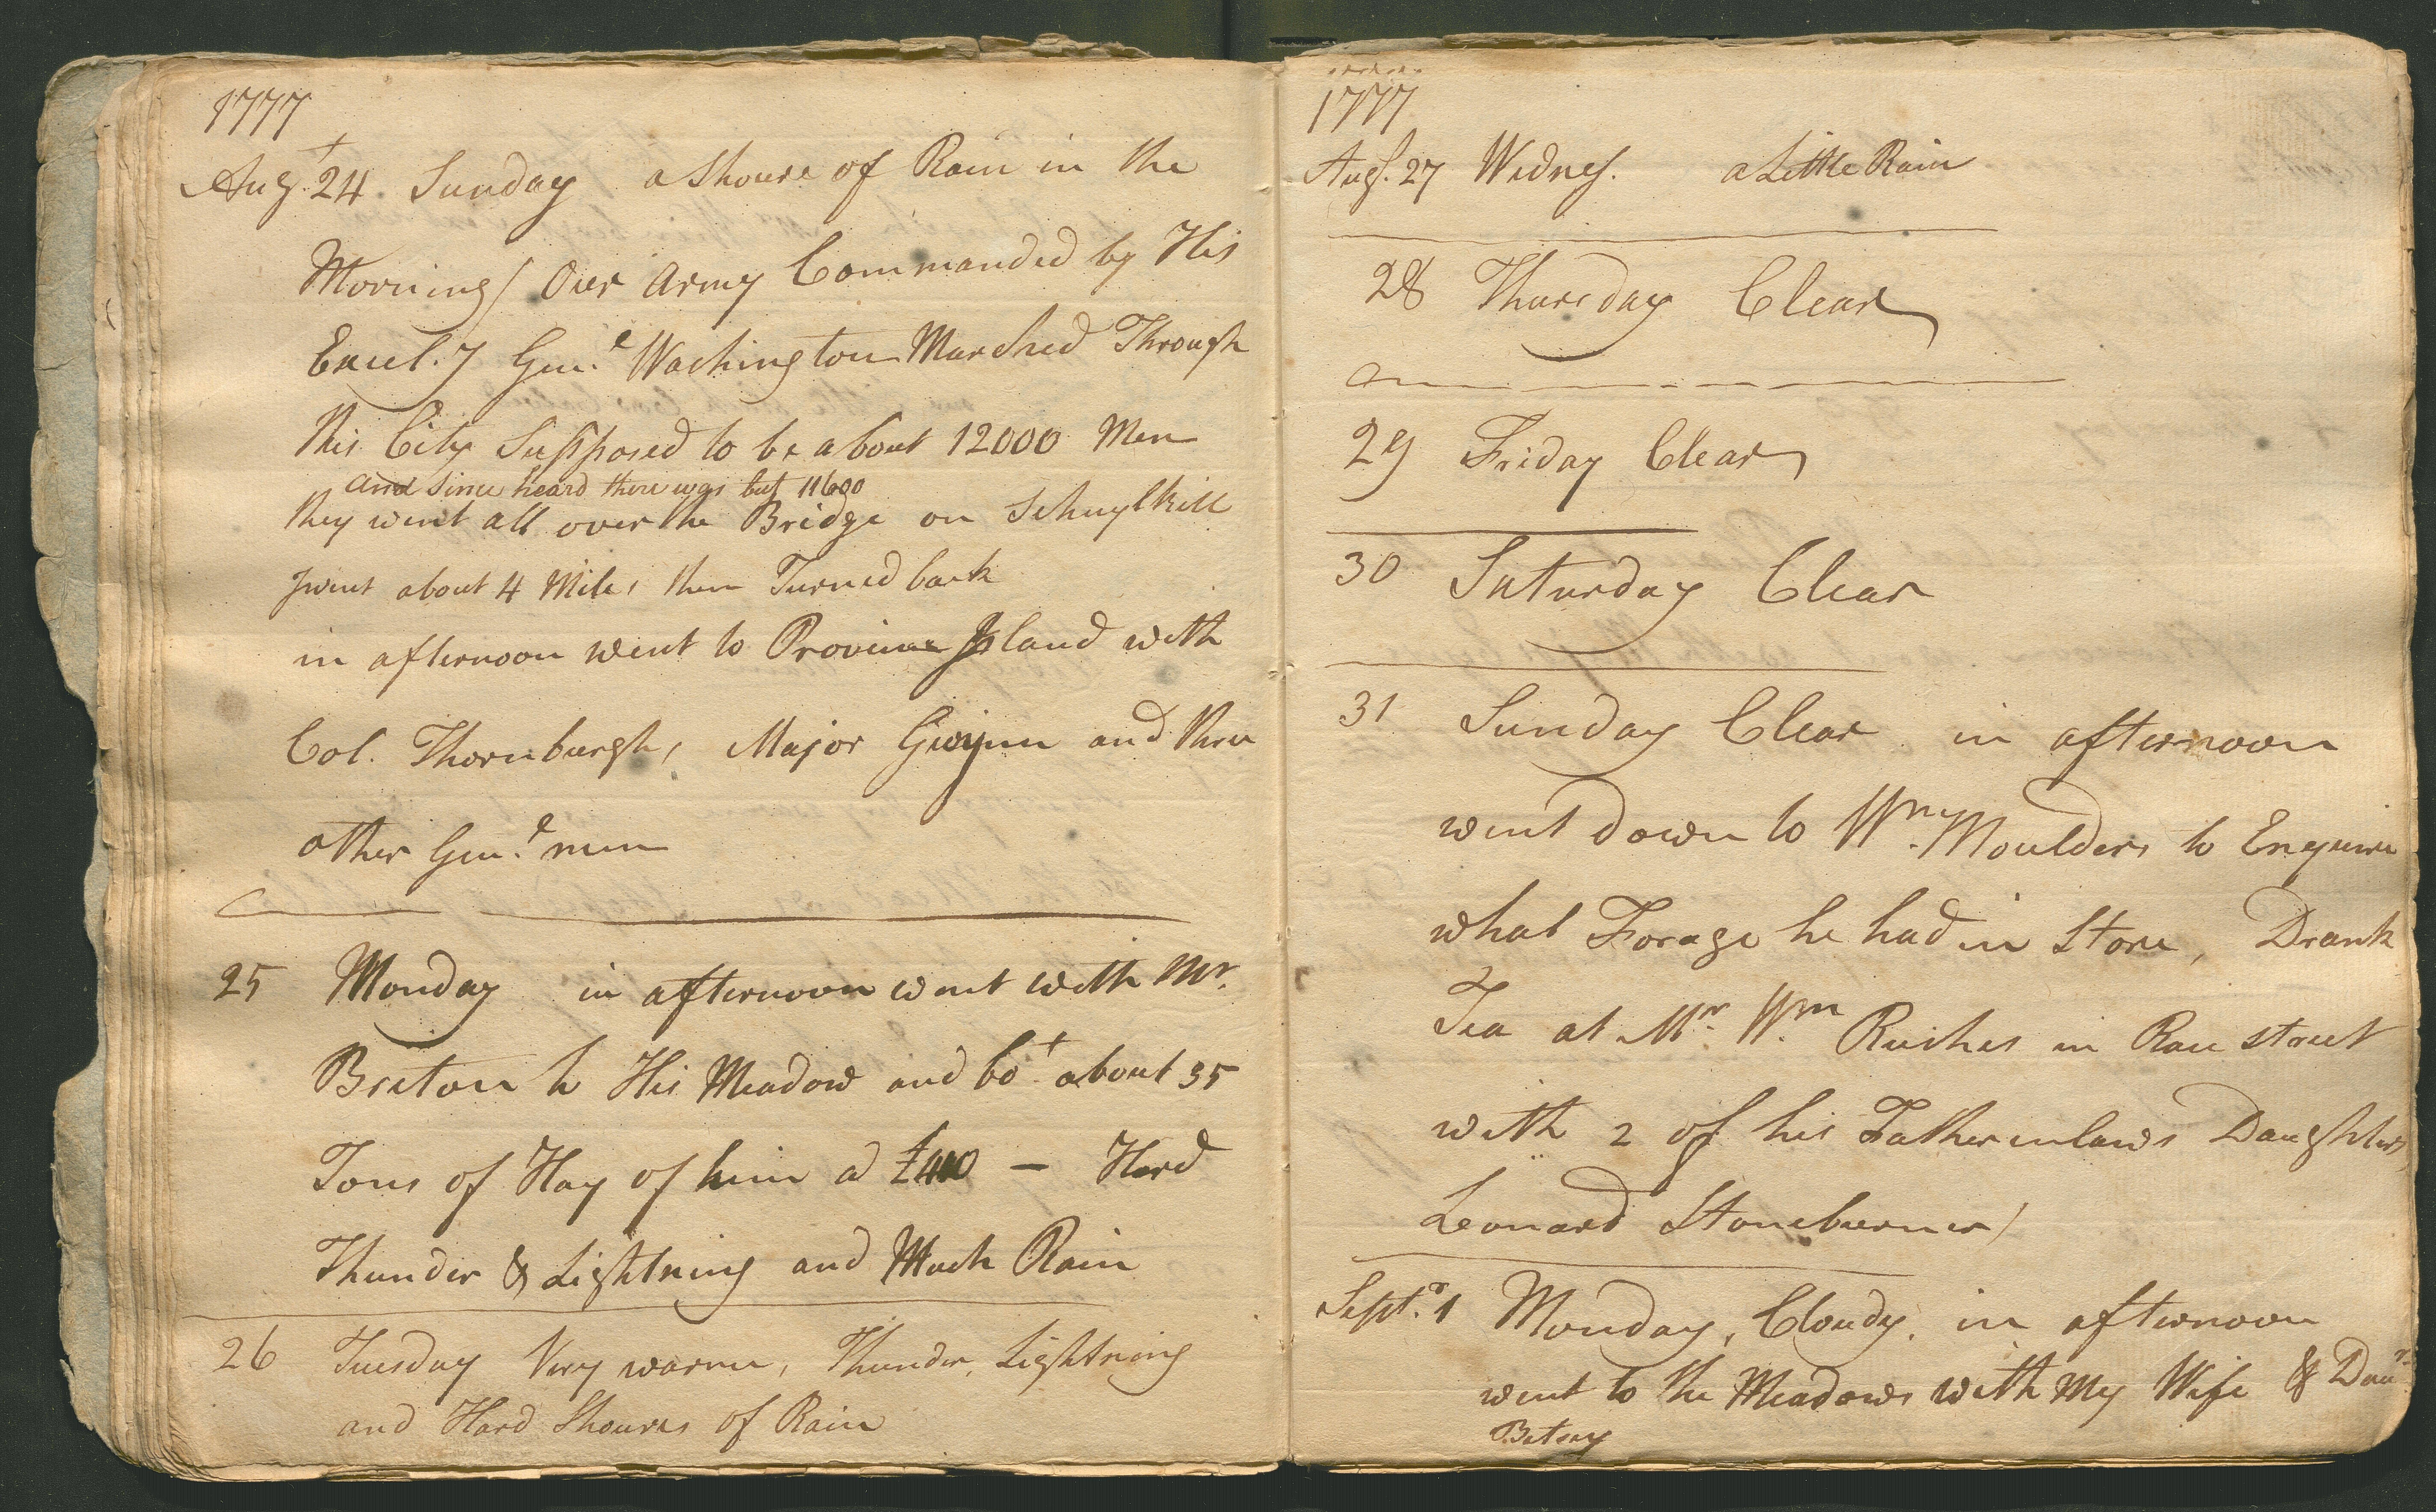1777
Aug^t. 24. Sunday a Shoure of Rain in the
Morning / our Army Commanded by His
Excel^y. Gen^l. Washington Marched Through
this City Supposed to be about 12000 Men
they went all over the Bridge on Schuylkill
And Since heard there was but 11600
I went about 4 Miles then Turned back
in afternoon went to Province Island with
Col. Thornburgh, Major Geojin and three
other Gen^l.men
25 Monday in afternoon went with M^r.
Breton to His Meadow and bo^t about 35
Tons of Hay of him @ £400- Hard
Thunder & Lightning and Much Rain
26 Tuesday Very warme, Thunder Lightning
aned Hard Shoures of Rain
Aug^. 27 Wednes. a Little Rain
1777
28 Thursday Clear
29 Friday, Clear
30 Saturday Clear
31 Sunday Clear in afternoon
went down to W^m. Moulders to Enquire
what Forage he had in Store, Drank
Tea at M^r. W^m. Rushes in Race street
with 2 of his Father in laws Daughter
Leonard Stoneburner /
Sept^r. 1 Monday, Cloudy in afternoon
went to the Meadows with My Wife & Dau^r.
Betsey